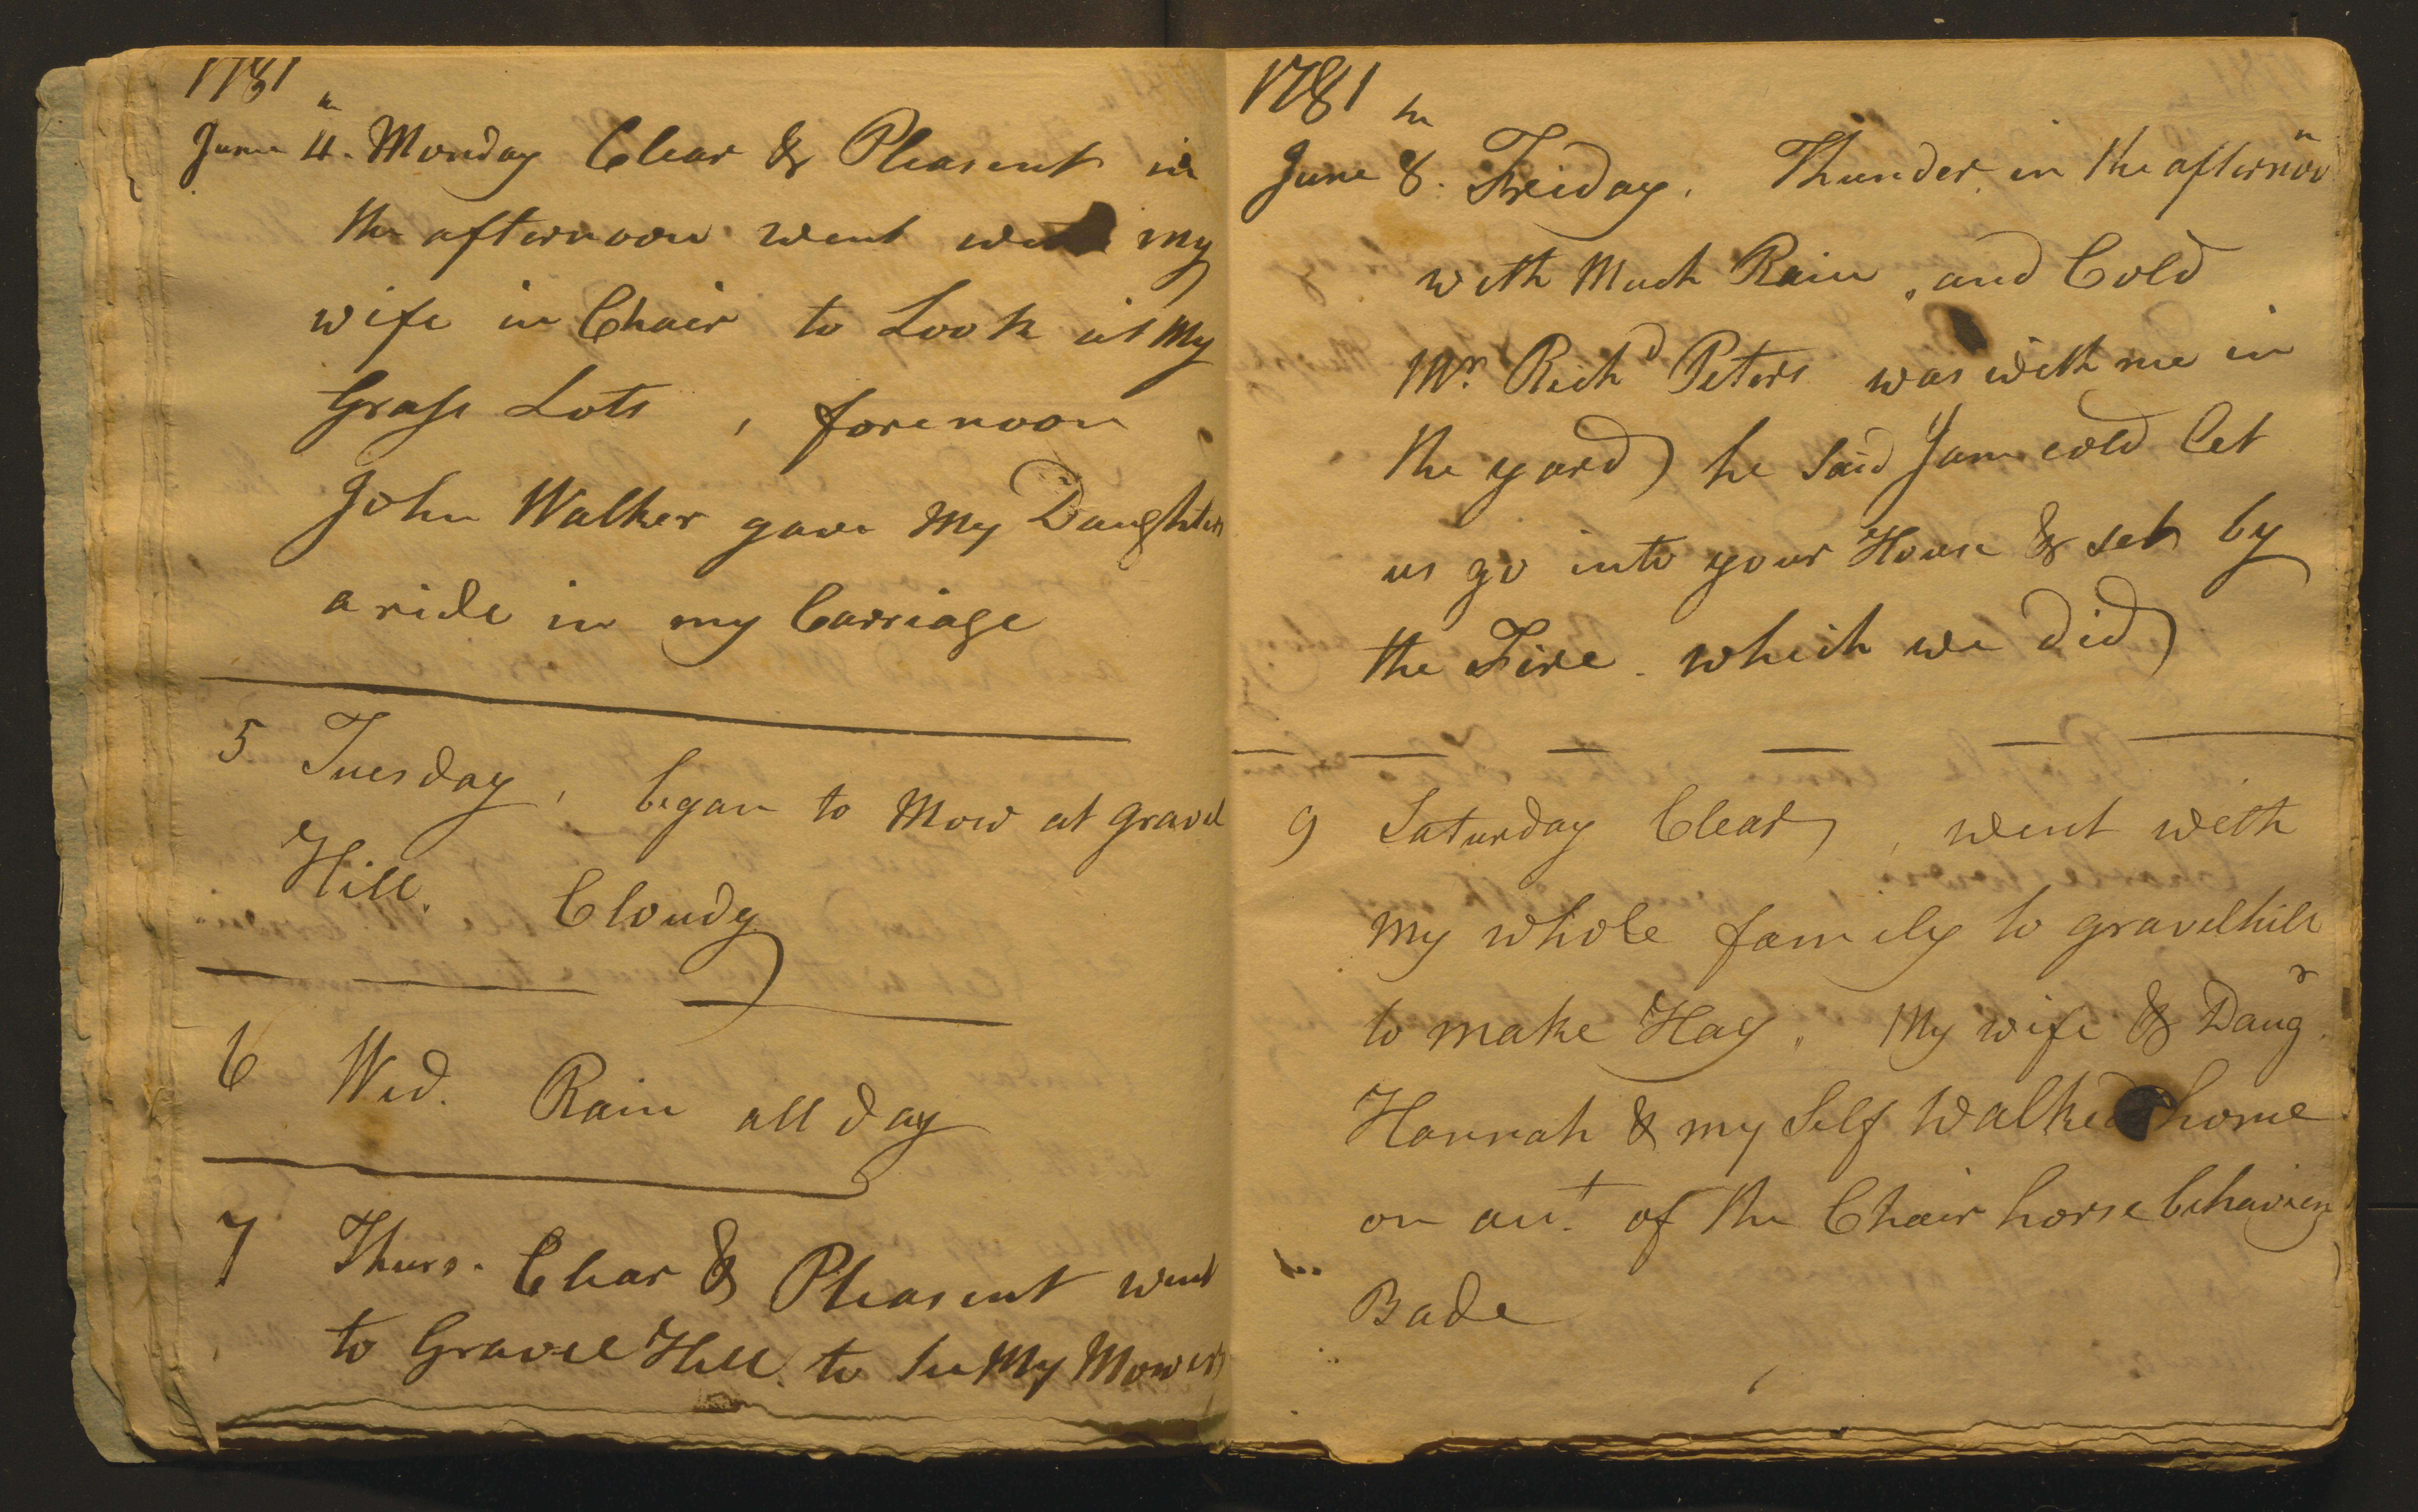1781
June 4^th. Monday Clear & Pleasent in
the afternoon went with my
wife in Chair to Look at My
Grass Lots, forenoon
John Walker gave My Daughter
a ride in my Carriage
5 Tuesday, began to Mow at Gravel
Hill. Cloudy
6 Wed. Rain all day
7 Thurs. Clear & Pleasent went
to Gravel Hill to see My Mowers
1781
June 8th. Friday. Thunder in the afternoo^n
with Much Rain and Cold
M^r. Rich^d Peters was with me in
the yard he said I am cold let
us go into your House & set by
the Fire, which we did
9 Saturday Clear, went with
My whole family to gravelhill
to make Hay. My wife & Daug^r.
Hannah & my self Walked home
on acc^t. of the Chair horse behaving
Bade